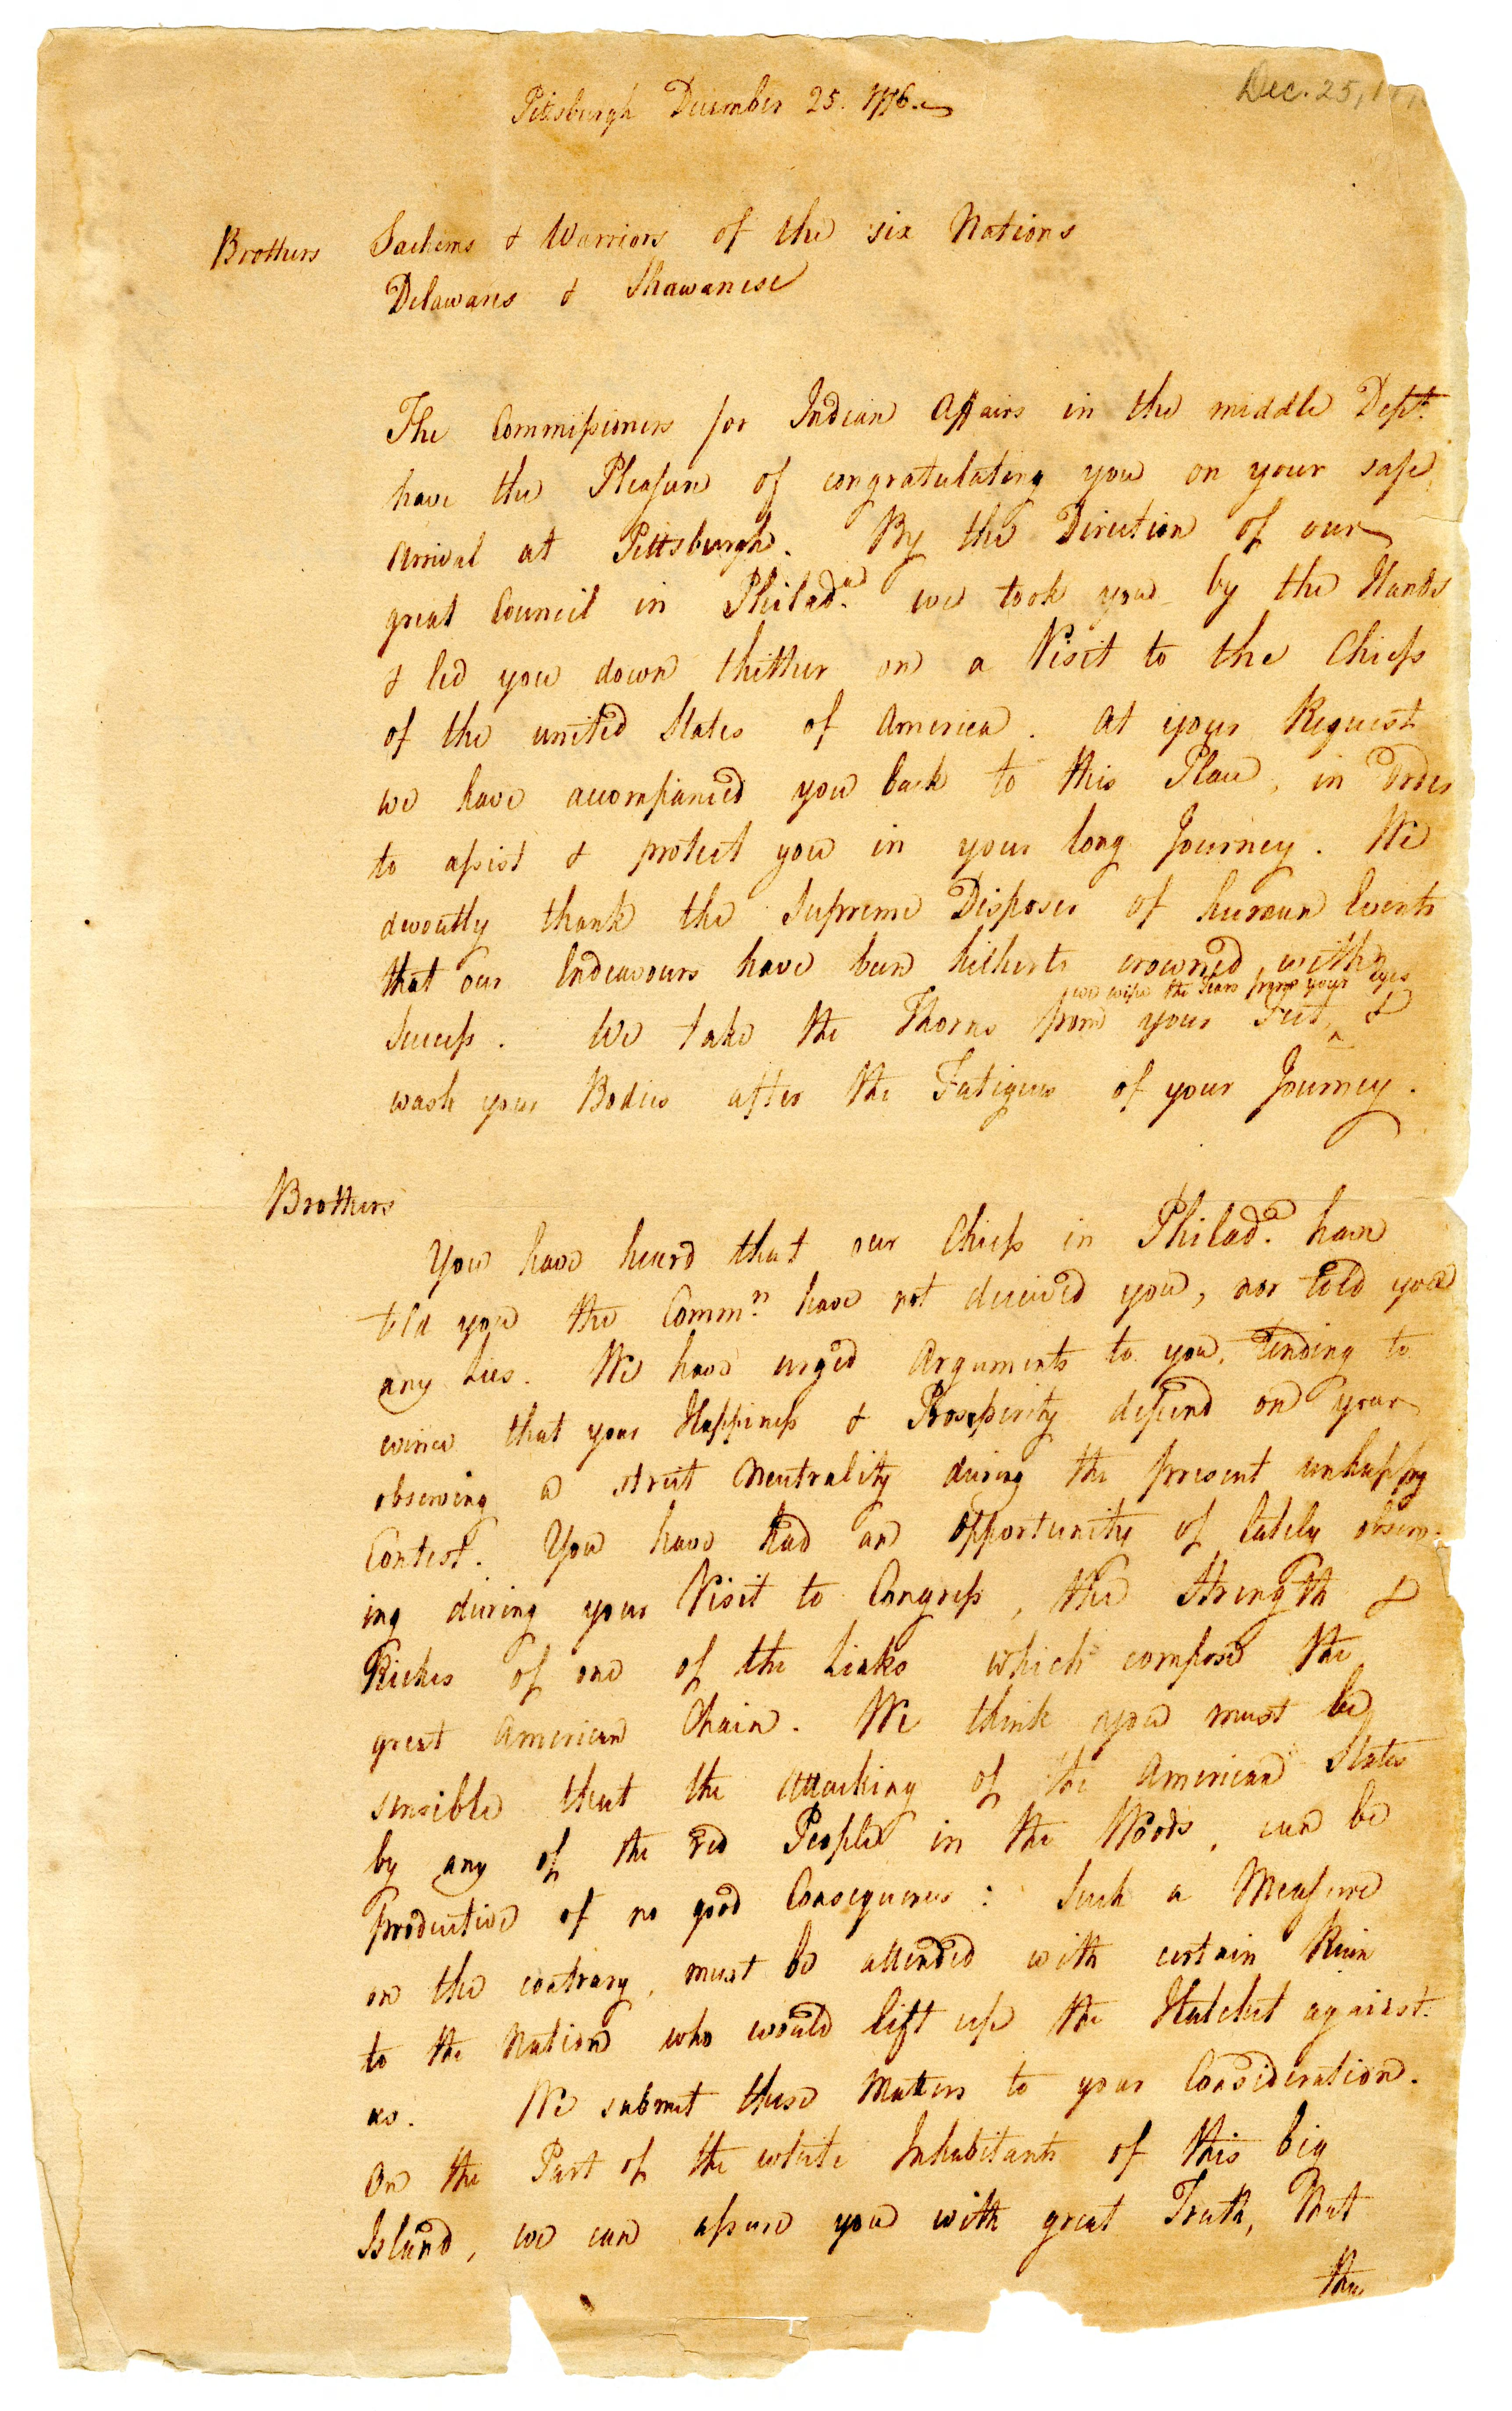Pittsburgh December 25. 1776.-
Brothers Sachems & Warriors of the six Nations
Delawares & Shawanese
The Commissioners for Indian Affairs in the middle Dep^t.
have the Pleasure of congratulating you on your safe
Arrival at Pittsburgh. By the Direction of our
great Council in Philad^a. we took you by the Hands
& led you down thither on a Visit to the Chiefs
of the united States of America. At your Request
we have accompanied you back to this Place, in Order
to assist & protect you in your long Journey. We
devoutly thank the Supreme Disposer of human Events
that our Endeavours have been hitherto crowned, with
we wipe the Tears from your Eyes
Success. We take the Thorns from your Feet ^ &
wash your Bodies after the Fatigues of your Journey.
Brothers
You have heard that our Chiefs in Philad^a. have
told you the Comm^r. have not deceived you, nor told you
any Lies. We have waged Arguments to you, tending to
evince that your Happiness & Prosperity depend on your
observing a strict Neutrality during the present unhappy
Contest. You have had an Opportunity of lately observ-
ing during your Visit to Congress, the strength &
Riches of one of the Links which compose the
great American Chain. We think you must be
sensible that the attacking of the American States
by any of the red People in the Woods, can be
productive of no good Consequences: Such a Measure
on the contrary, must be attended with certain Ruin
to the Nation who would lift up the Hatchet against
us. We submit these Matters to your Consideration.
On the Part of the white Inhabitants of this big
Island, we can assure you with great Truth, that
there